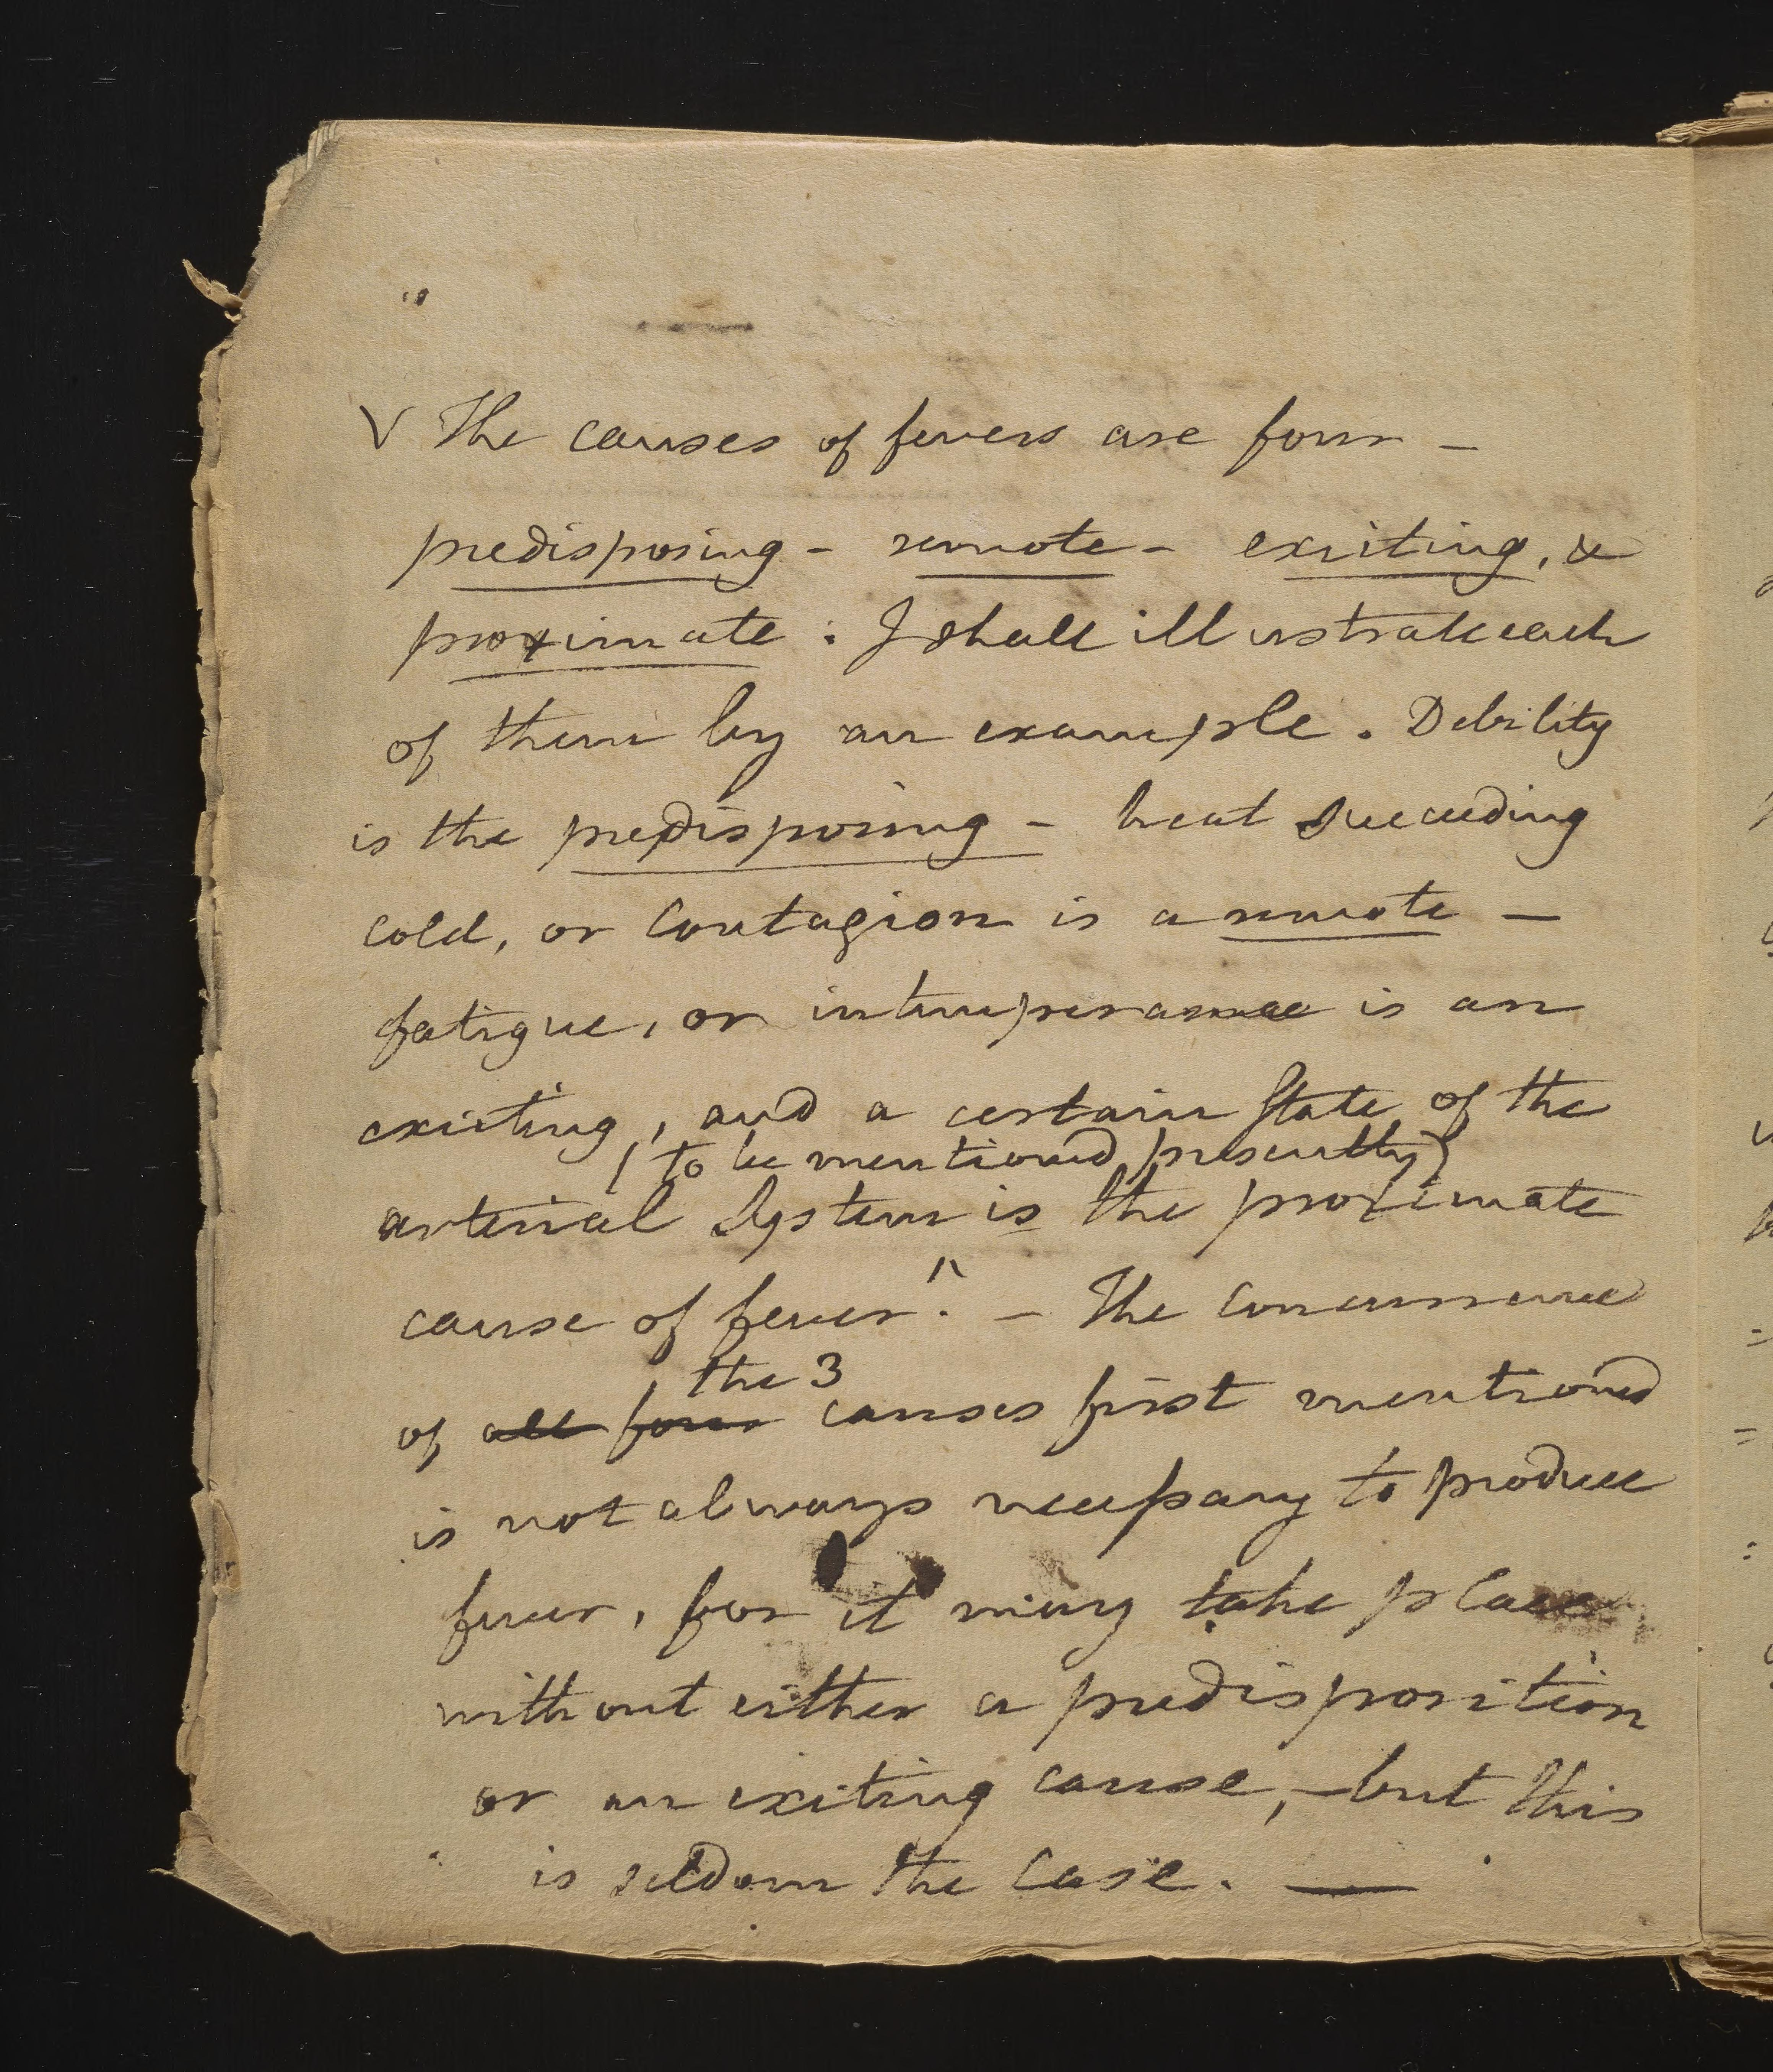V The causes of fevers are four
predisposing- remote- exciting, &
proximate. I shall illustrate each
of them by an example. Debility
is the predisposing- heat succeeding
cold, or contagion is a remote-
fatigue, or intemperance is an
exciting, and a certain state of the
(to be mentioned presently)
arterial systems ^ is the proximate
cause of fever.- The consequence
the 3
of [all four] causes first mentioned
is not always necessary to produce
fever, for it may take so care
without either a predisposition
or an exciting cause,- but this
is seldom the case.